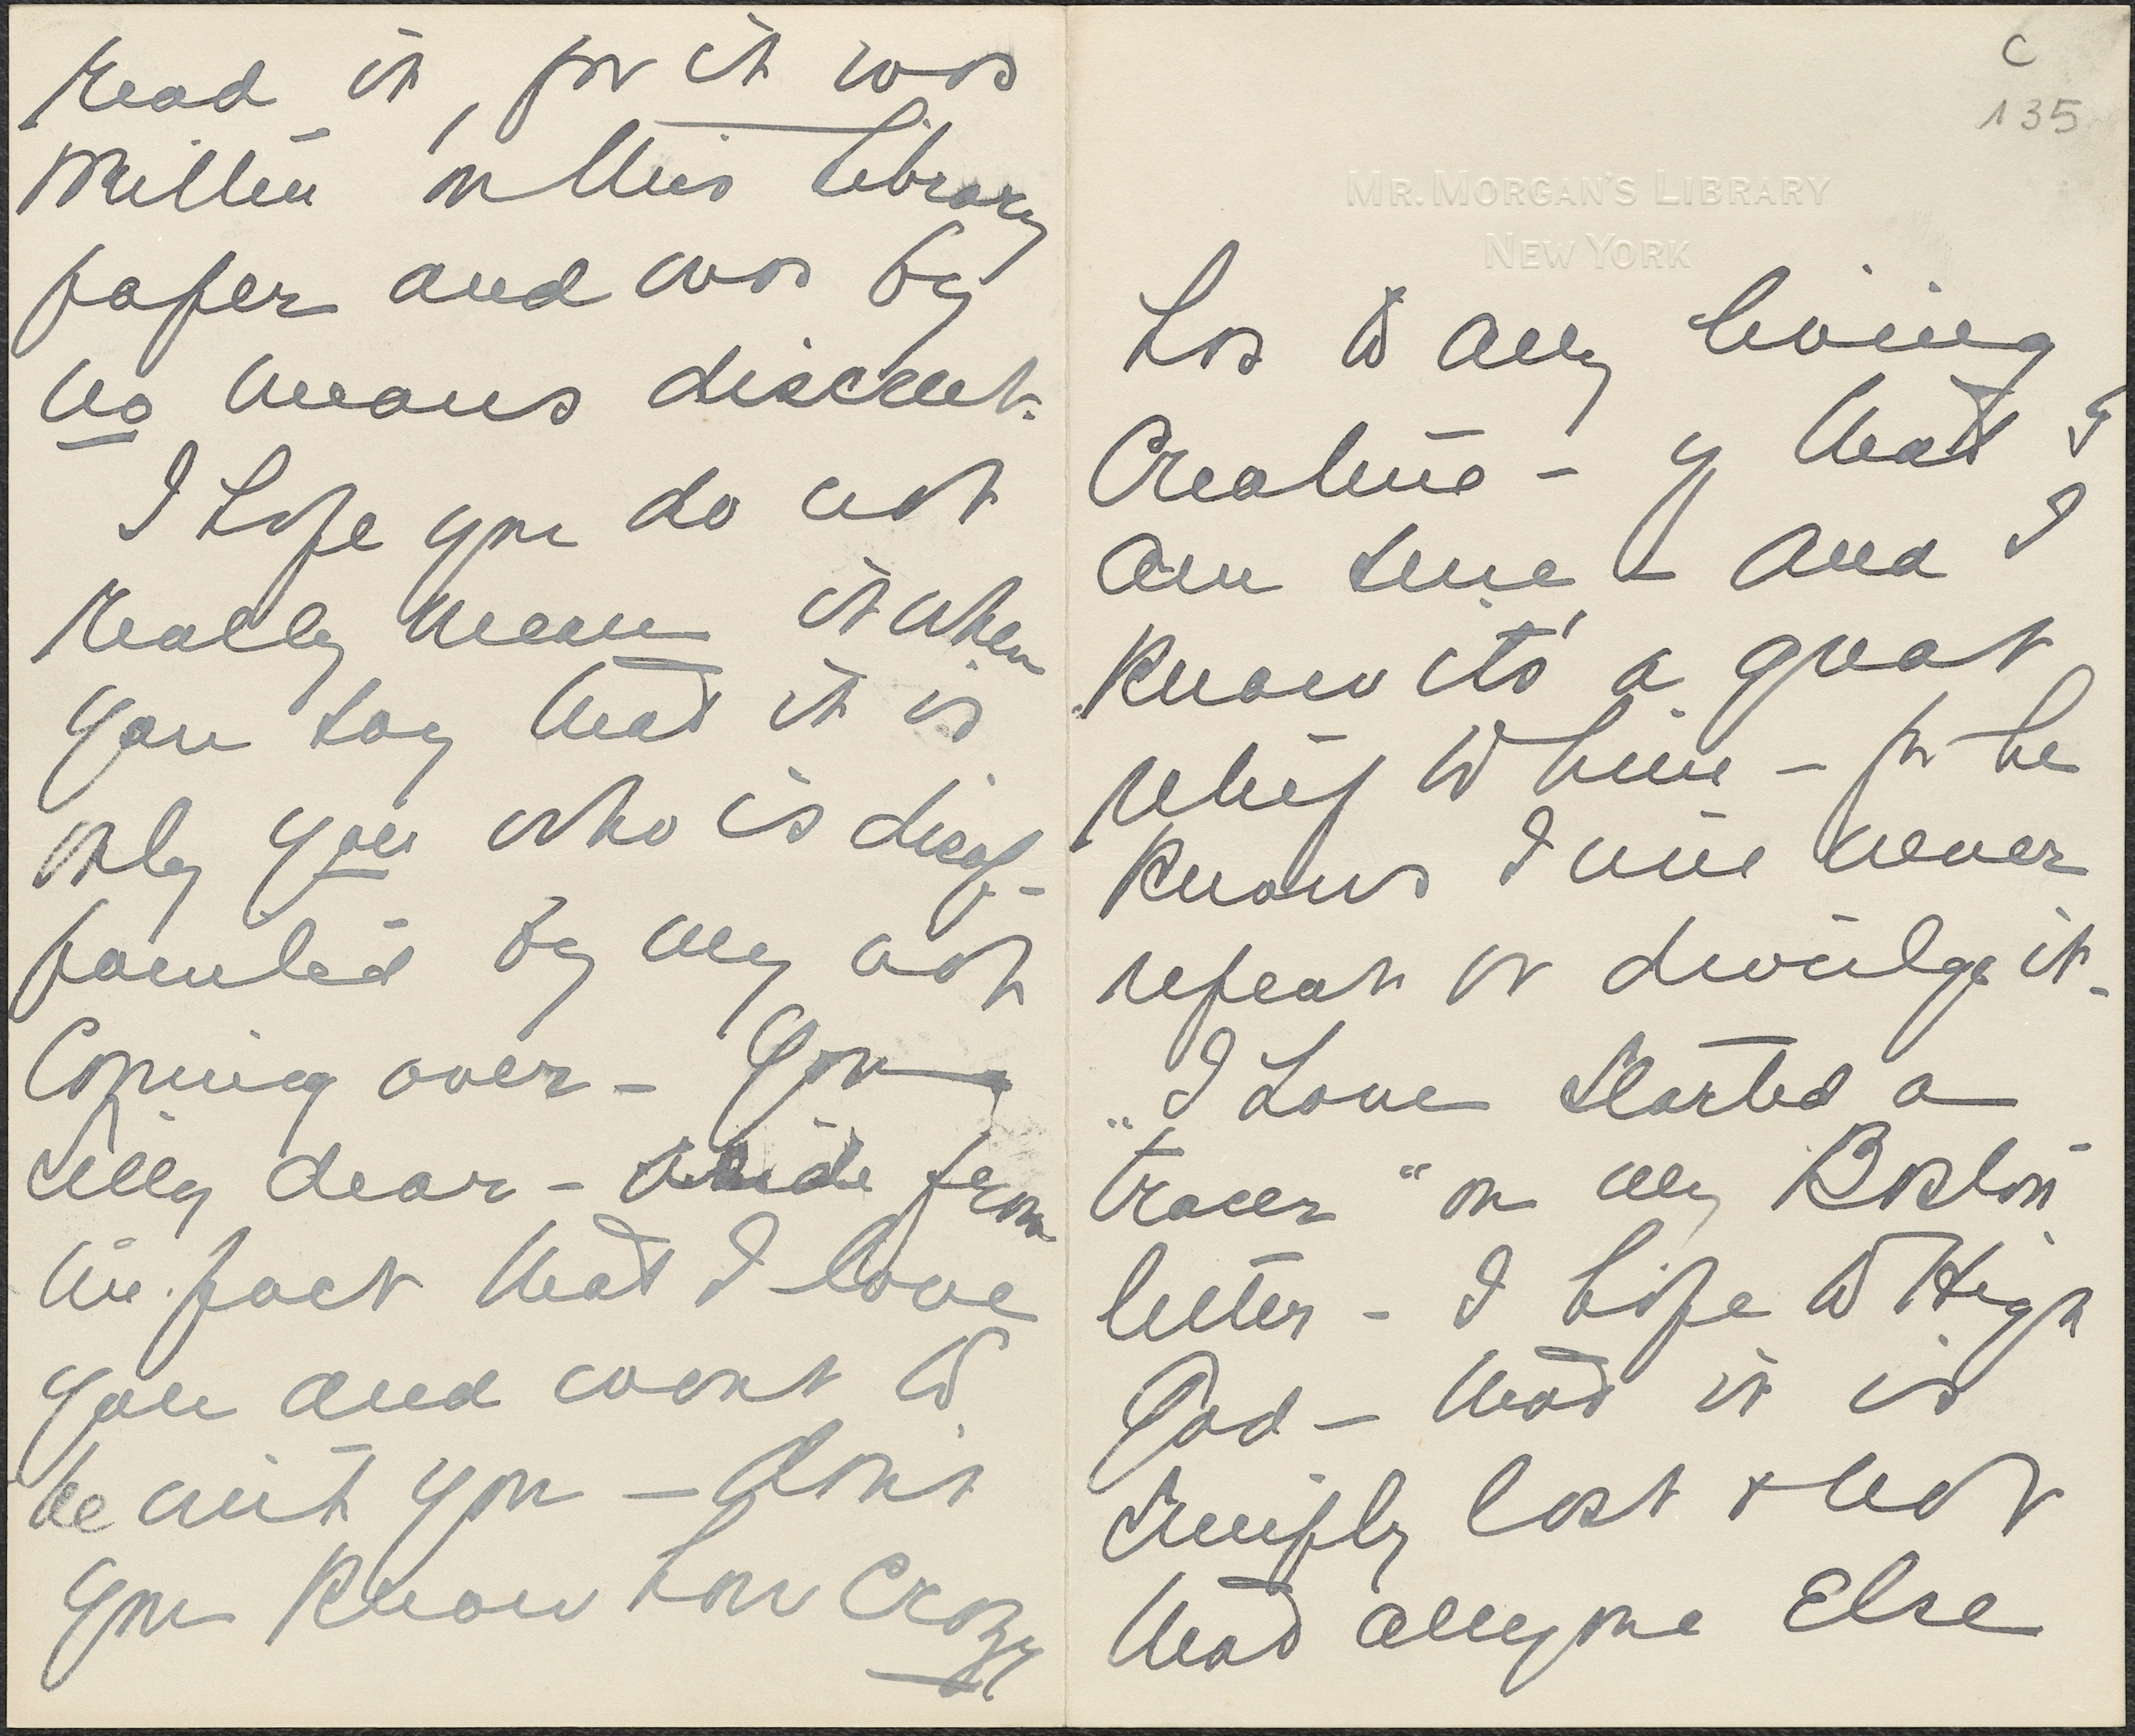has to any living creature – of that I am sure – and I know it’s a great relief to him – for he knows I will never repeat or divulge it – I have started a “tracer” on my Boston letter – I hope to High God – that it is simply lost & not that anyone else
read it, for it was written on this Library paper and was by no means discreet.
I hope you do not really mean it when you say that it is only you who is disappointed by my not coming over – you silly dear – aside from the fact that I love you and want to be with you – don’t you know how crazy